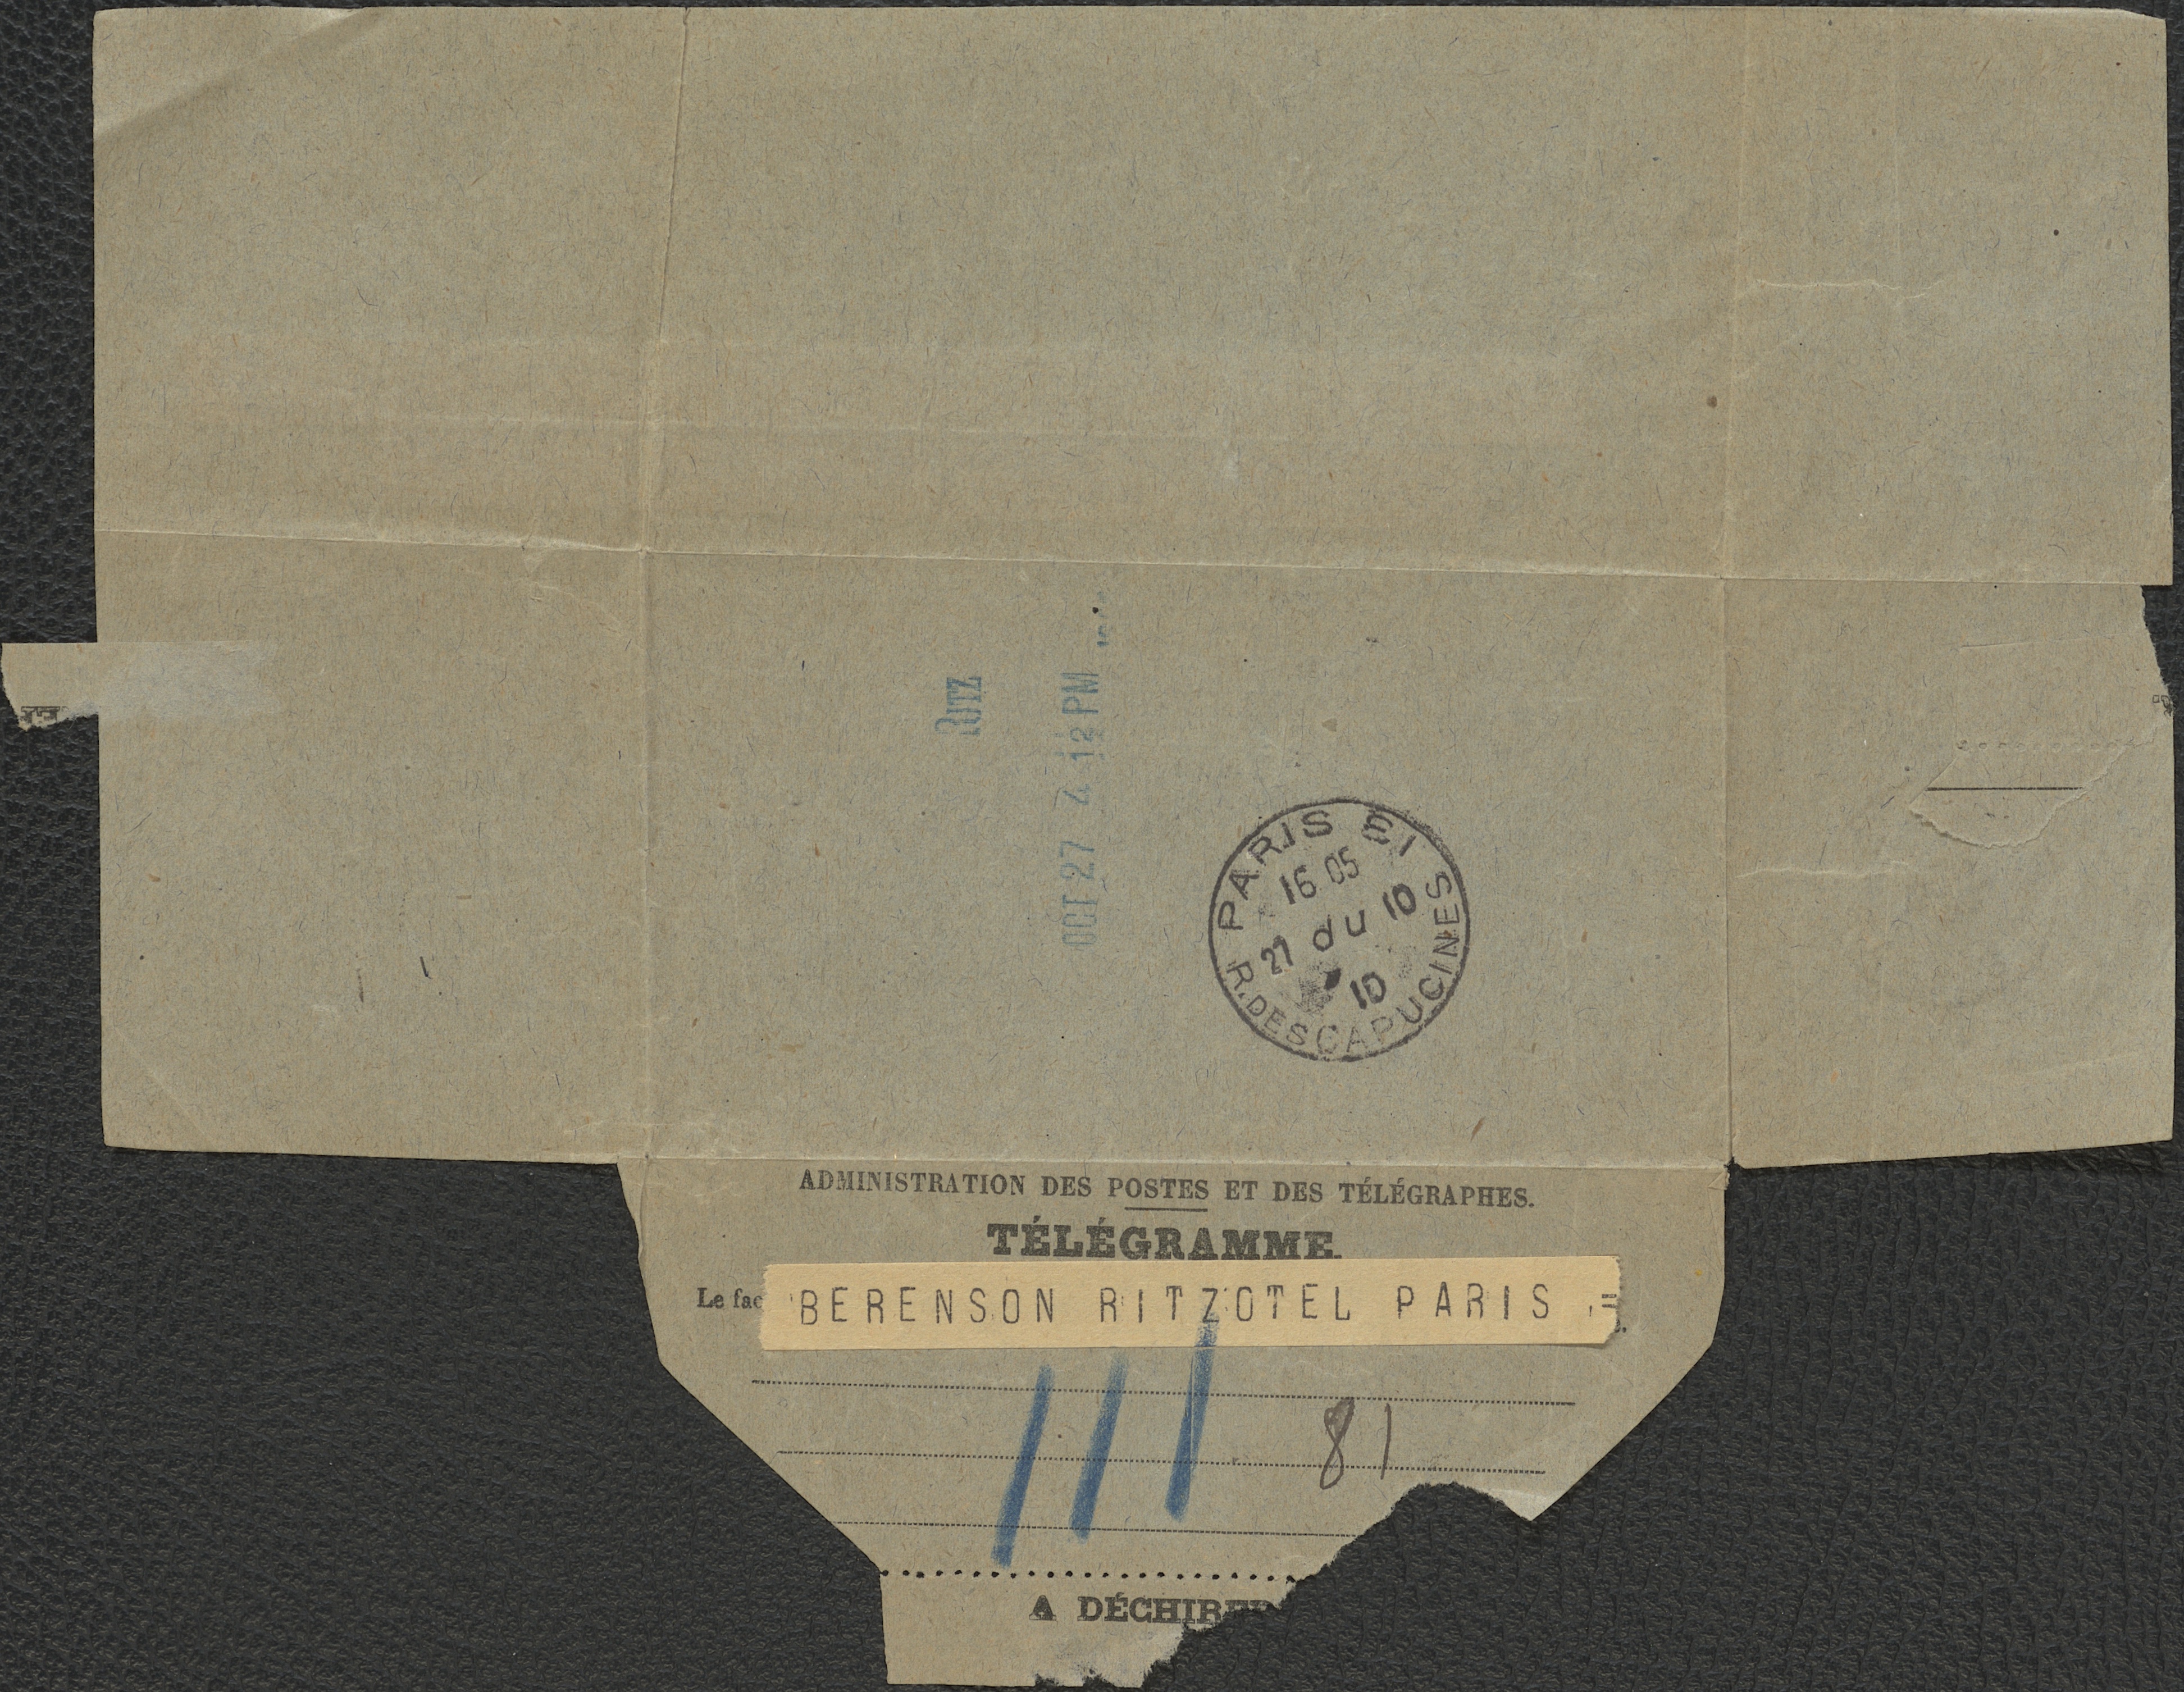BERENSON RITZOTEL PARIS